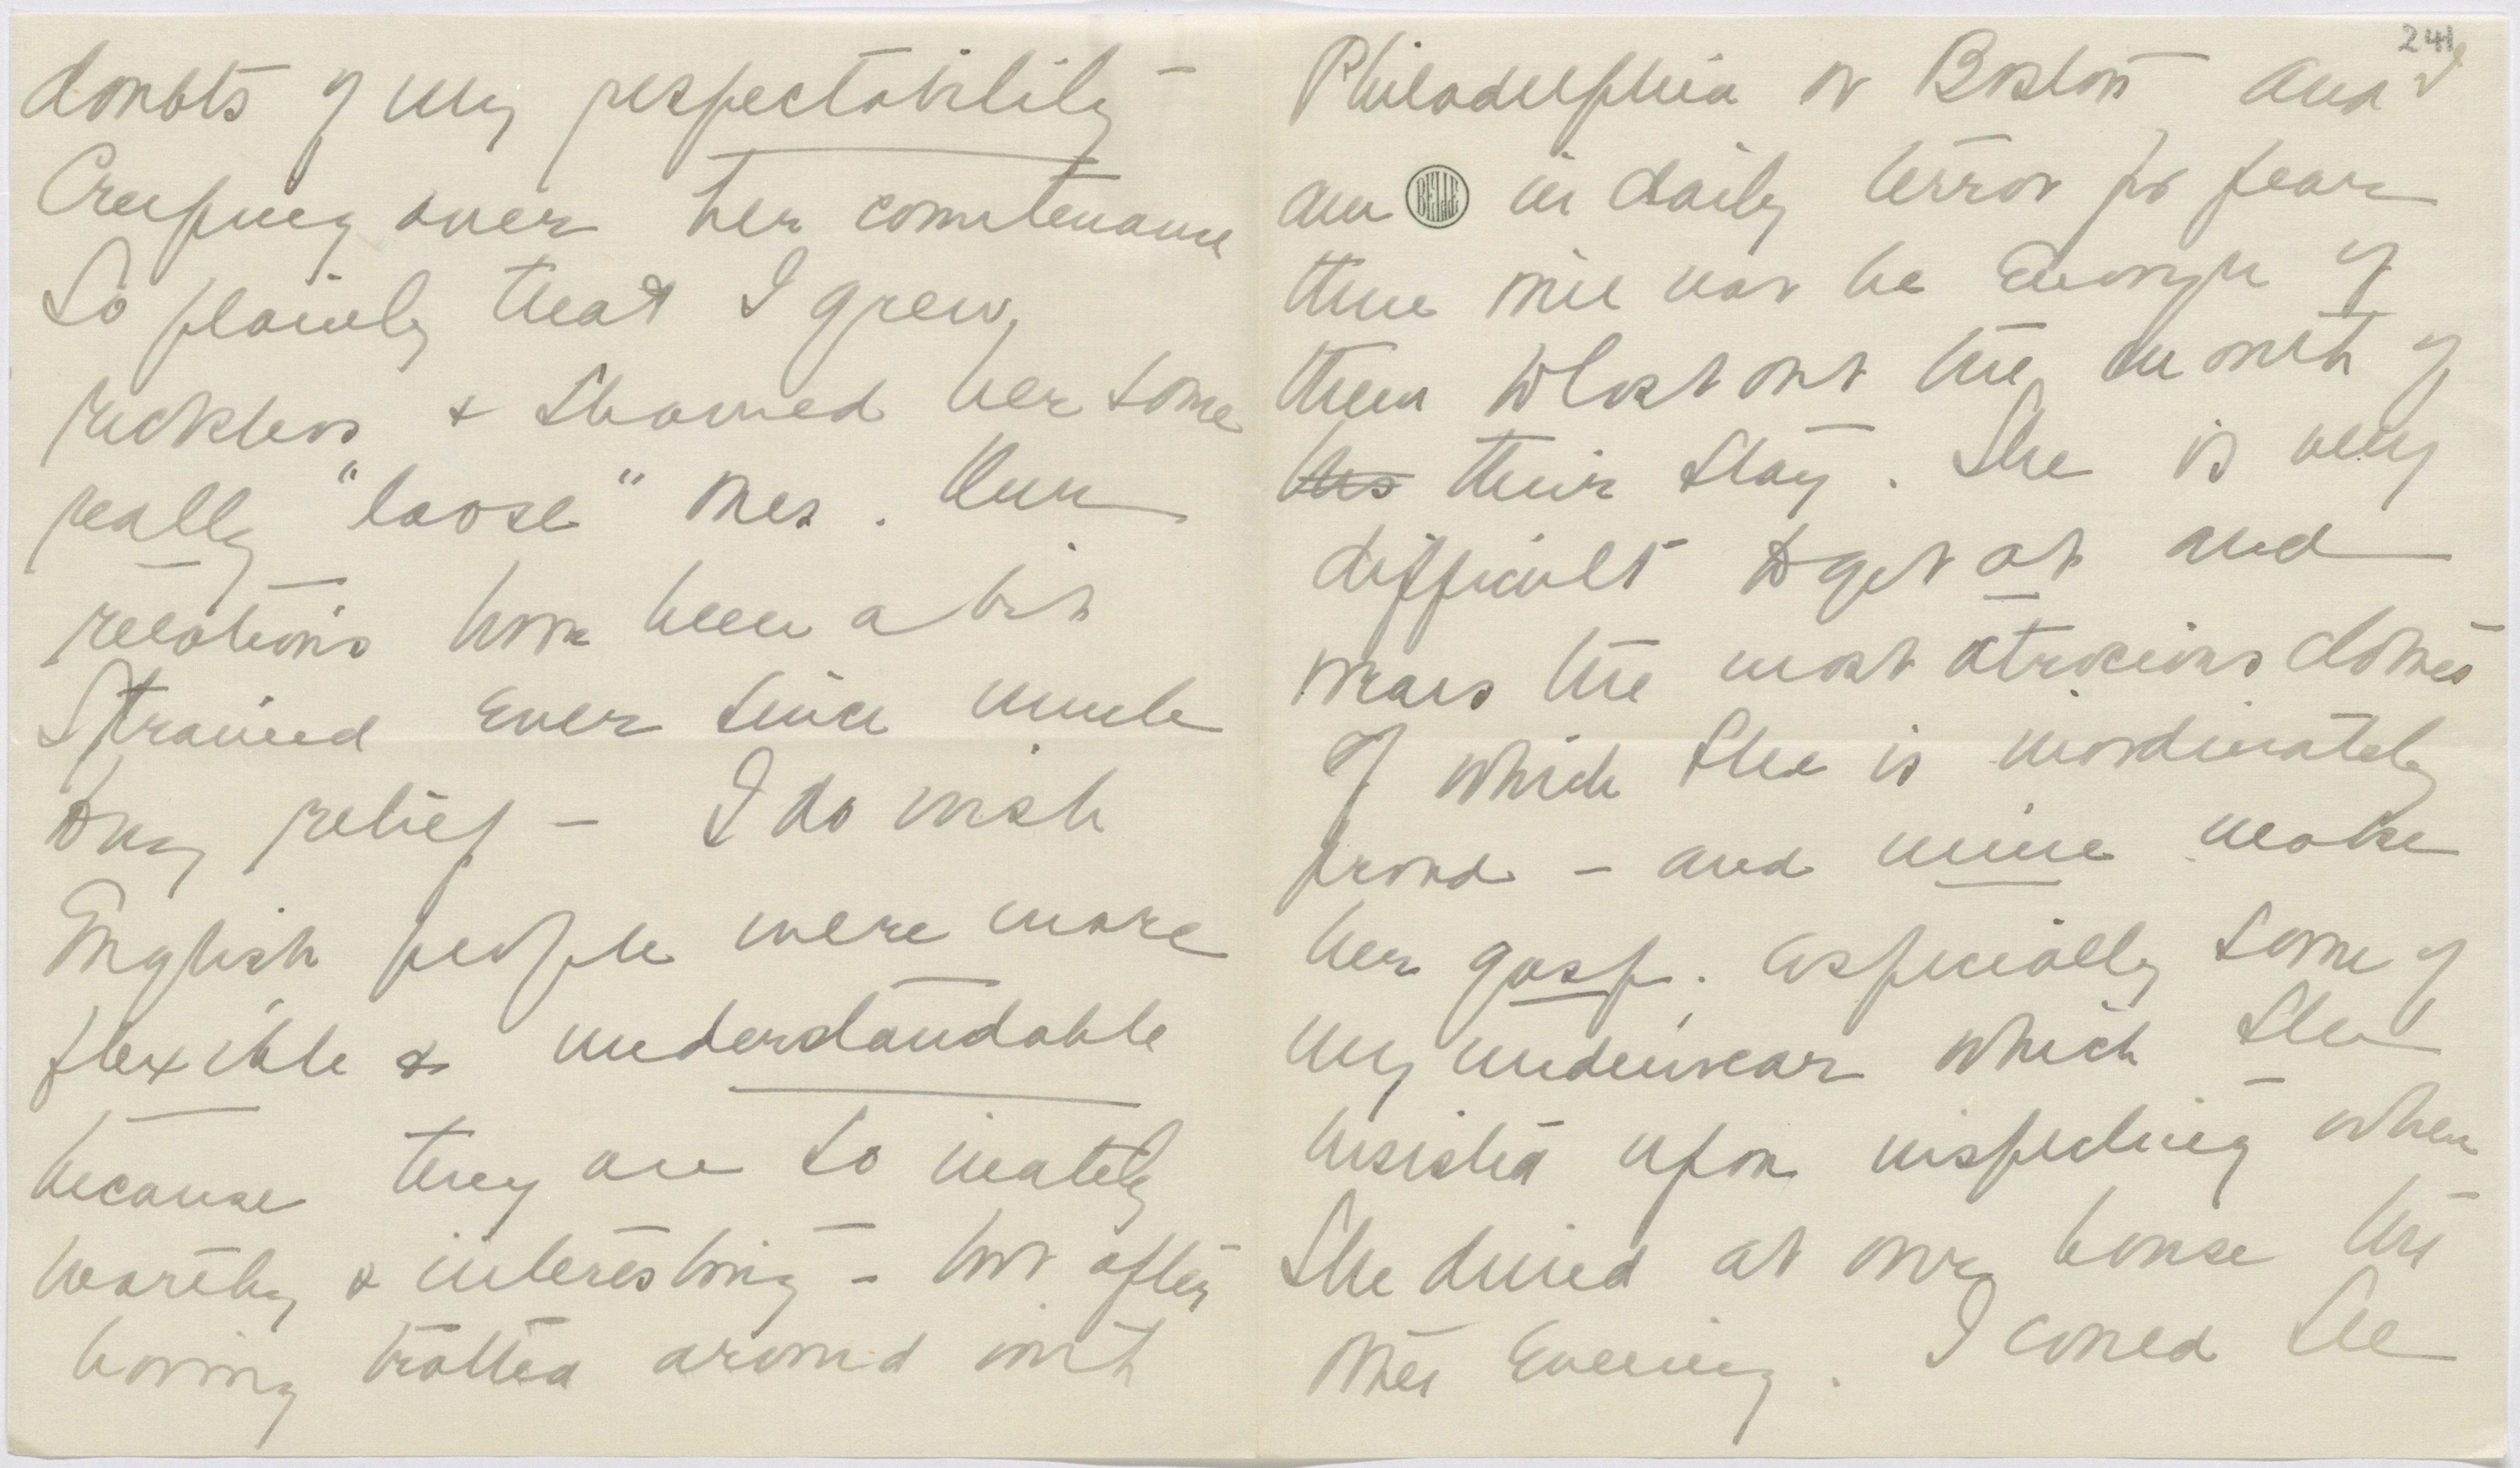Philadelphia or Boston and I am in daily terror for fear there will not be enough of them to last out the month of Ms their stay. She is very difficult to get at and wears the most atrocious clothes of which she is inordinately proud – and mine make her gasp; especially some of my underwear which she insisted upon inspecting when she dined at our house the other evening. I could see
doubts of my respectability creeping over her countenance so plainly that I grew reckless & showed her some really “loose” ones. Our relations have been a bit strained ever since much to my relief – I do wish English people were more flexible & understandable because they are so innately worthy & interesting – but after having trotted around with